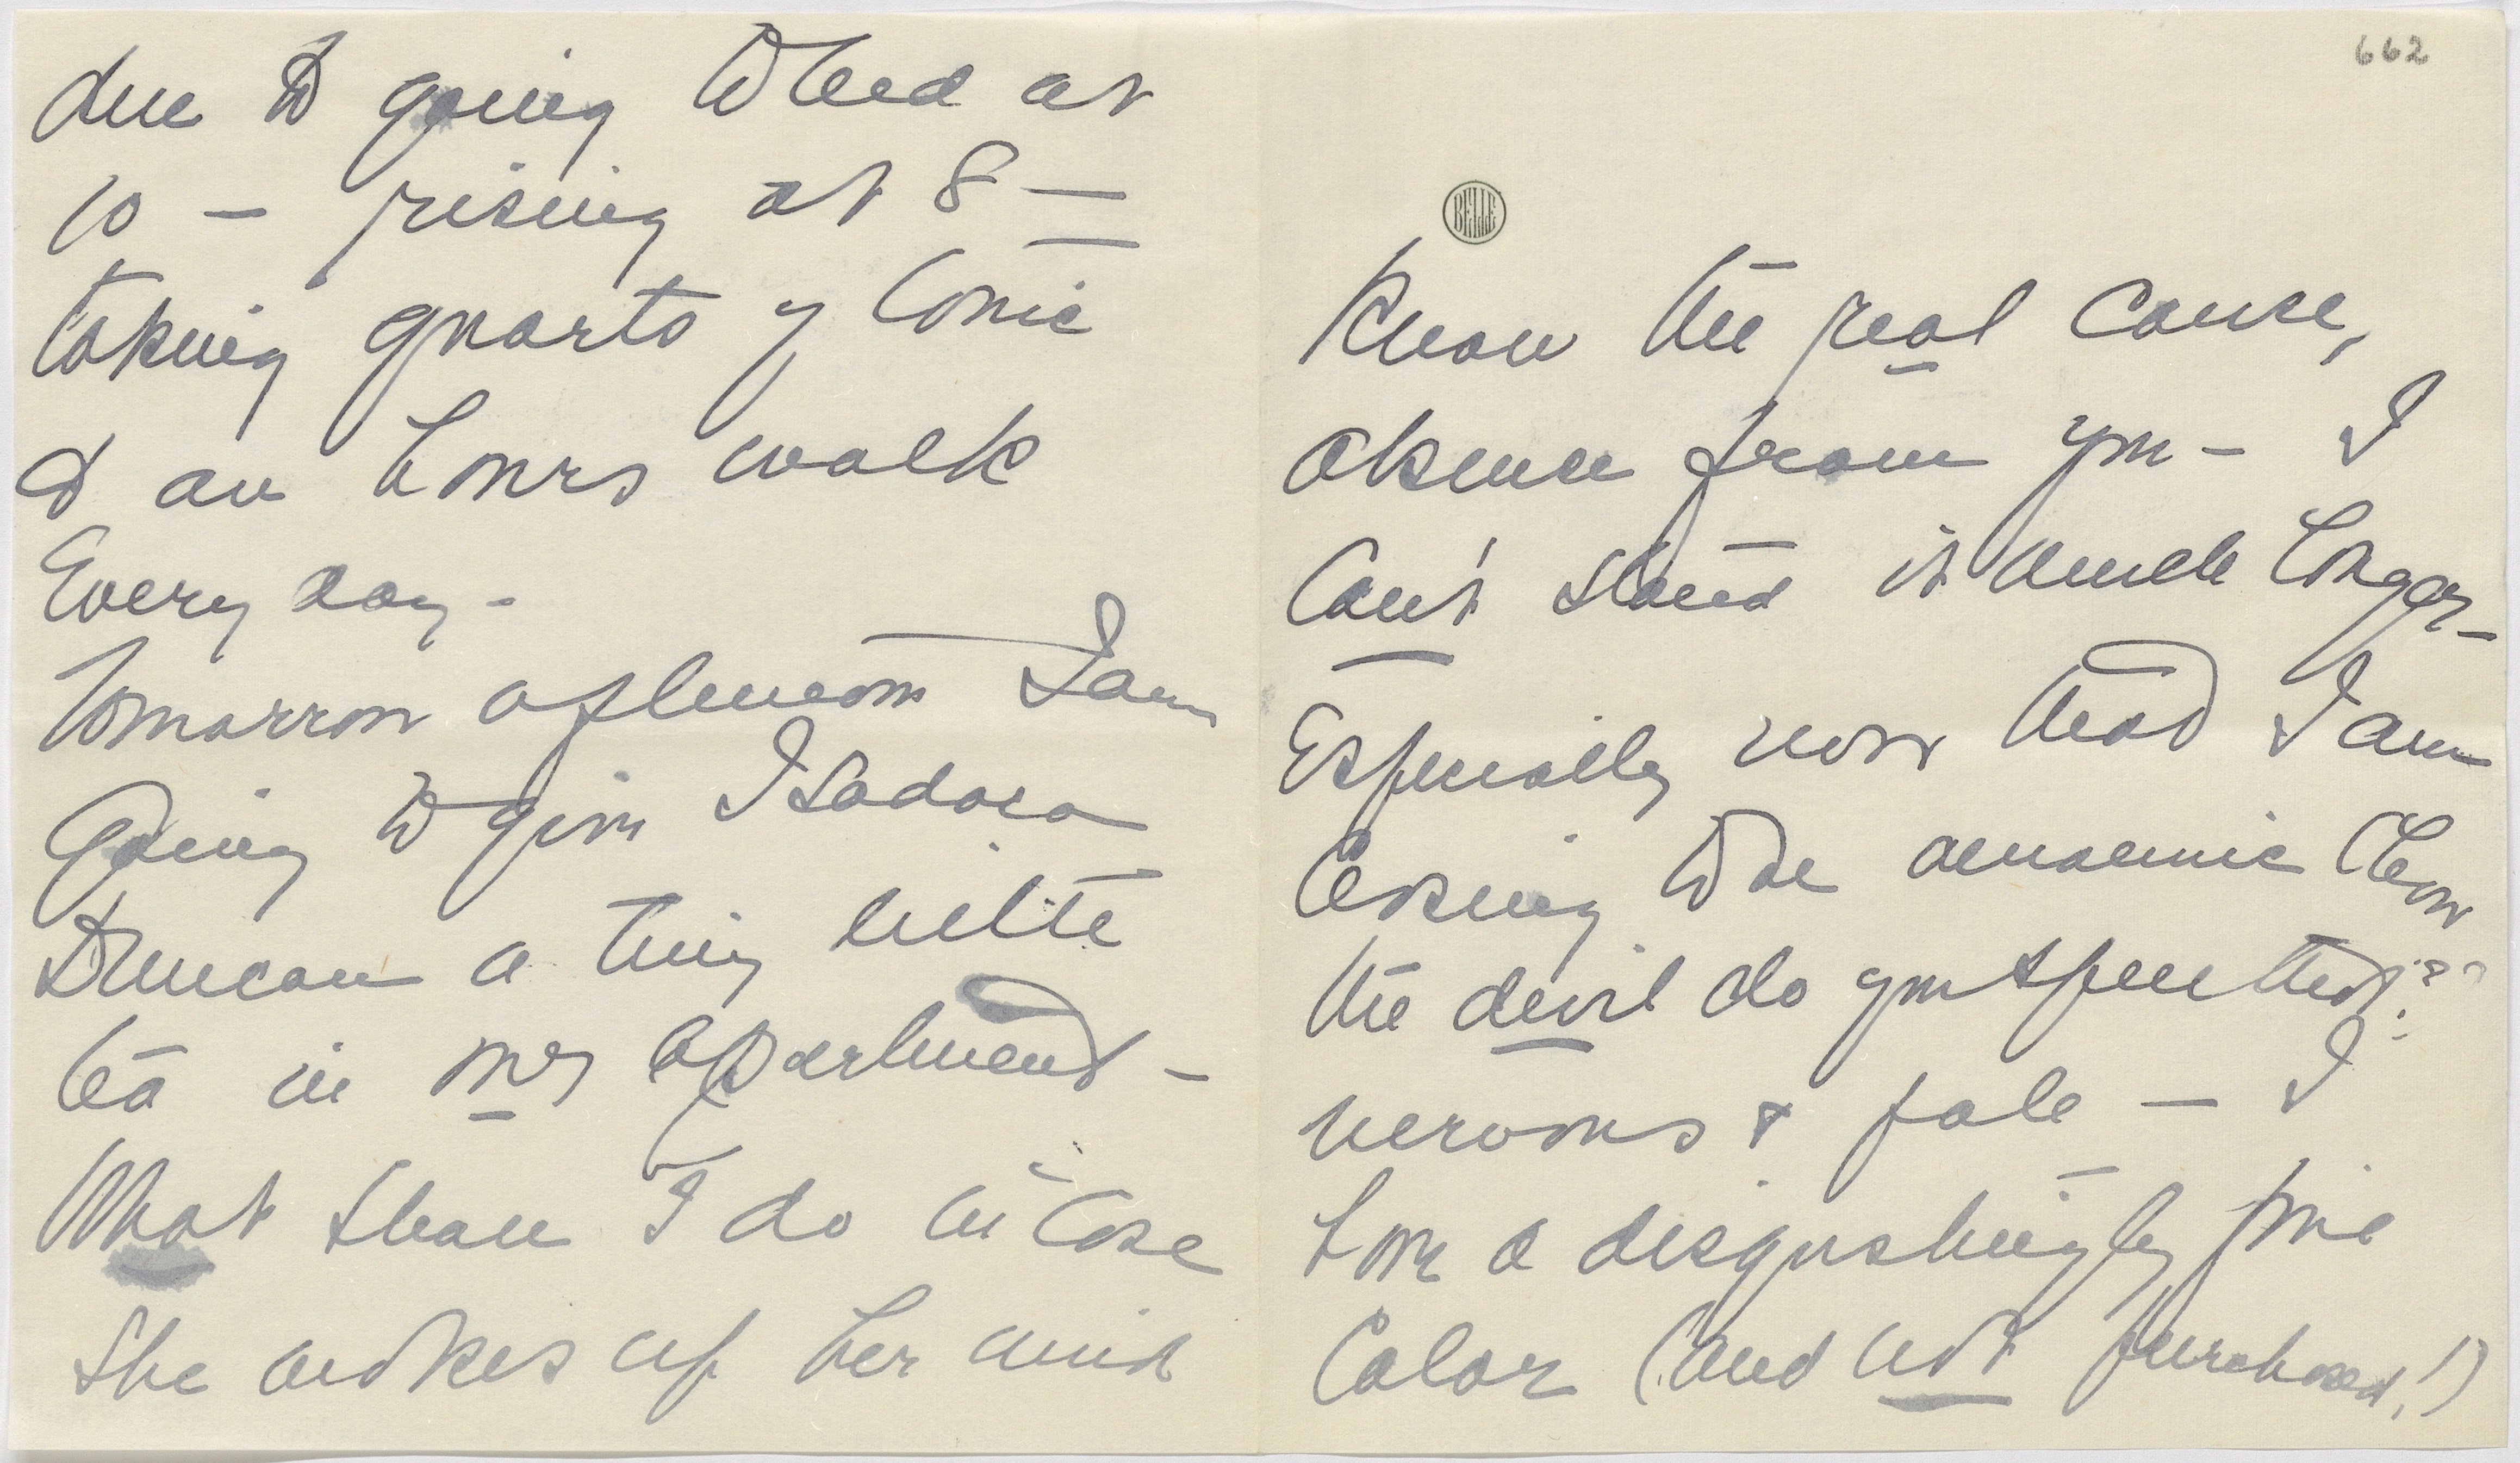know the real cause, absence from you – I can’t stand it much longer – especially now that I am ceasing to be aenaemic [sic] (how the devil do you spell that?) nervous & pale – I have a disgustingly fine color (and not purchased!)
due to going to bed at 10 – rising at 8 – taking quarts of tonic & an hours [sic] walk every day –
Tomorrow afternoon I am Going to give Isadora Duncan a tiny little tea in our apartment – What shall I do in case she makes up her mind